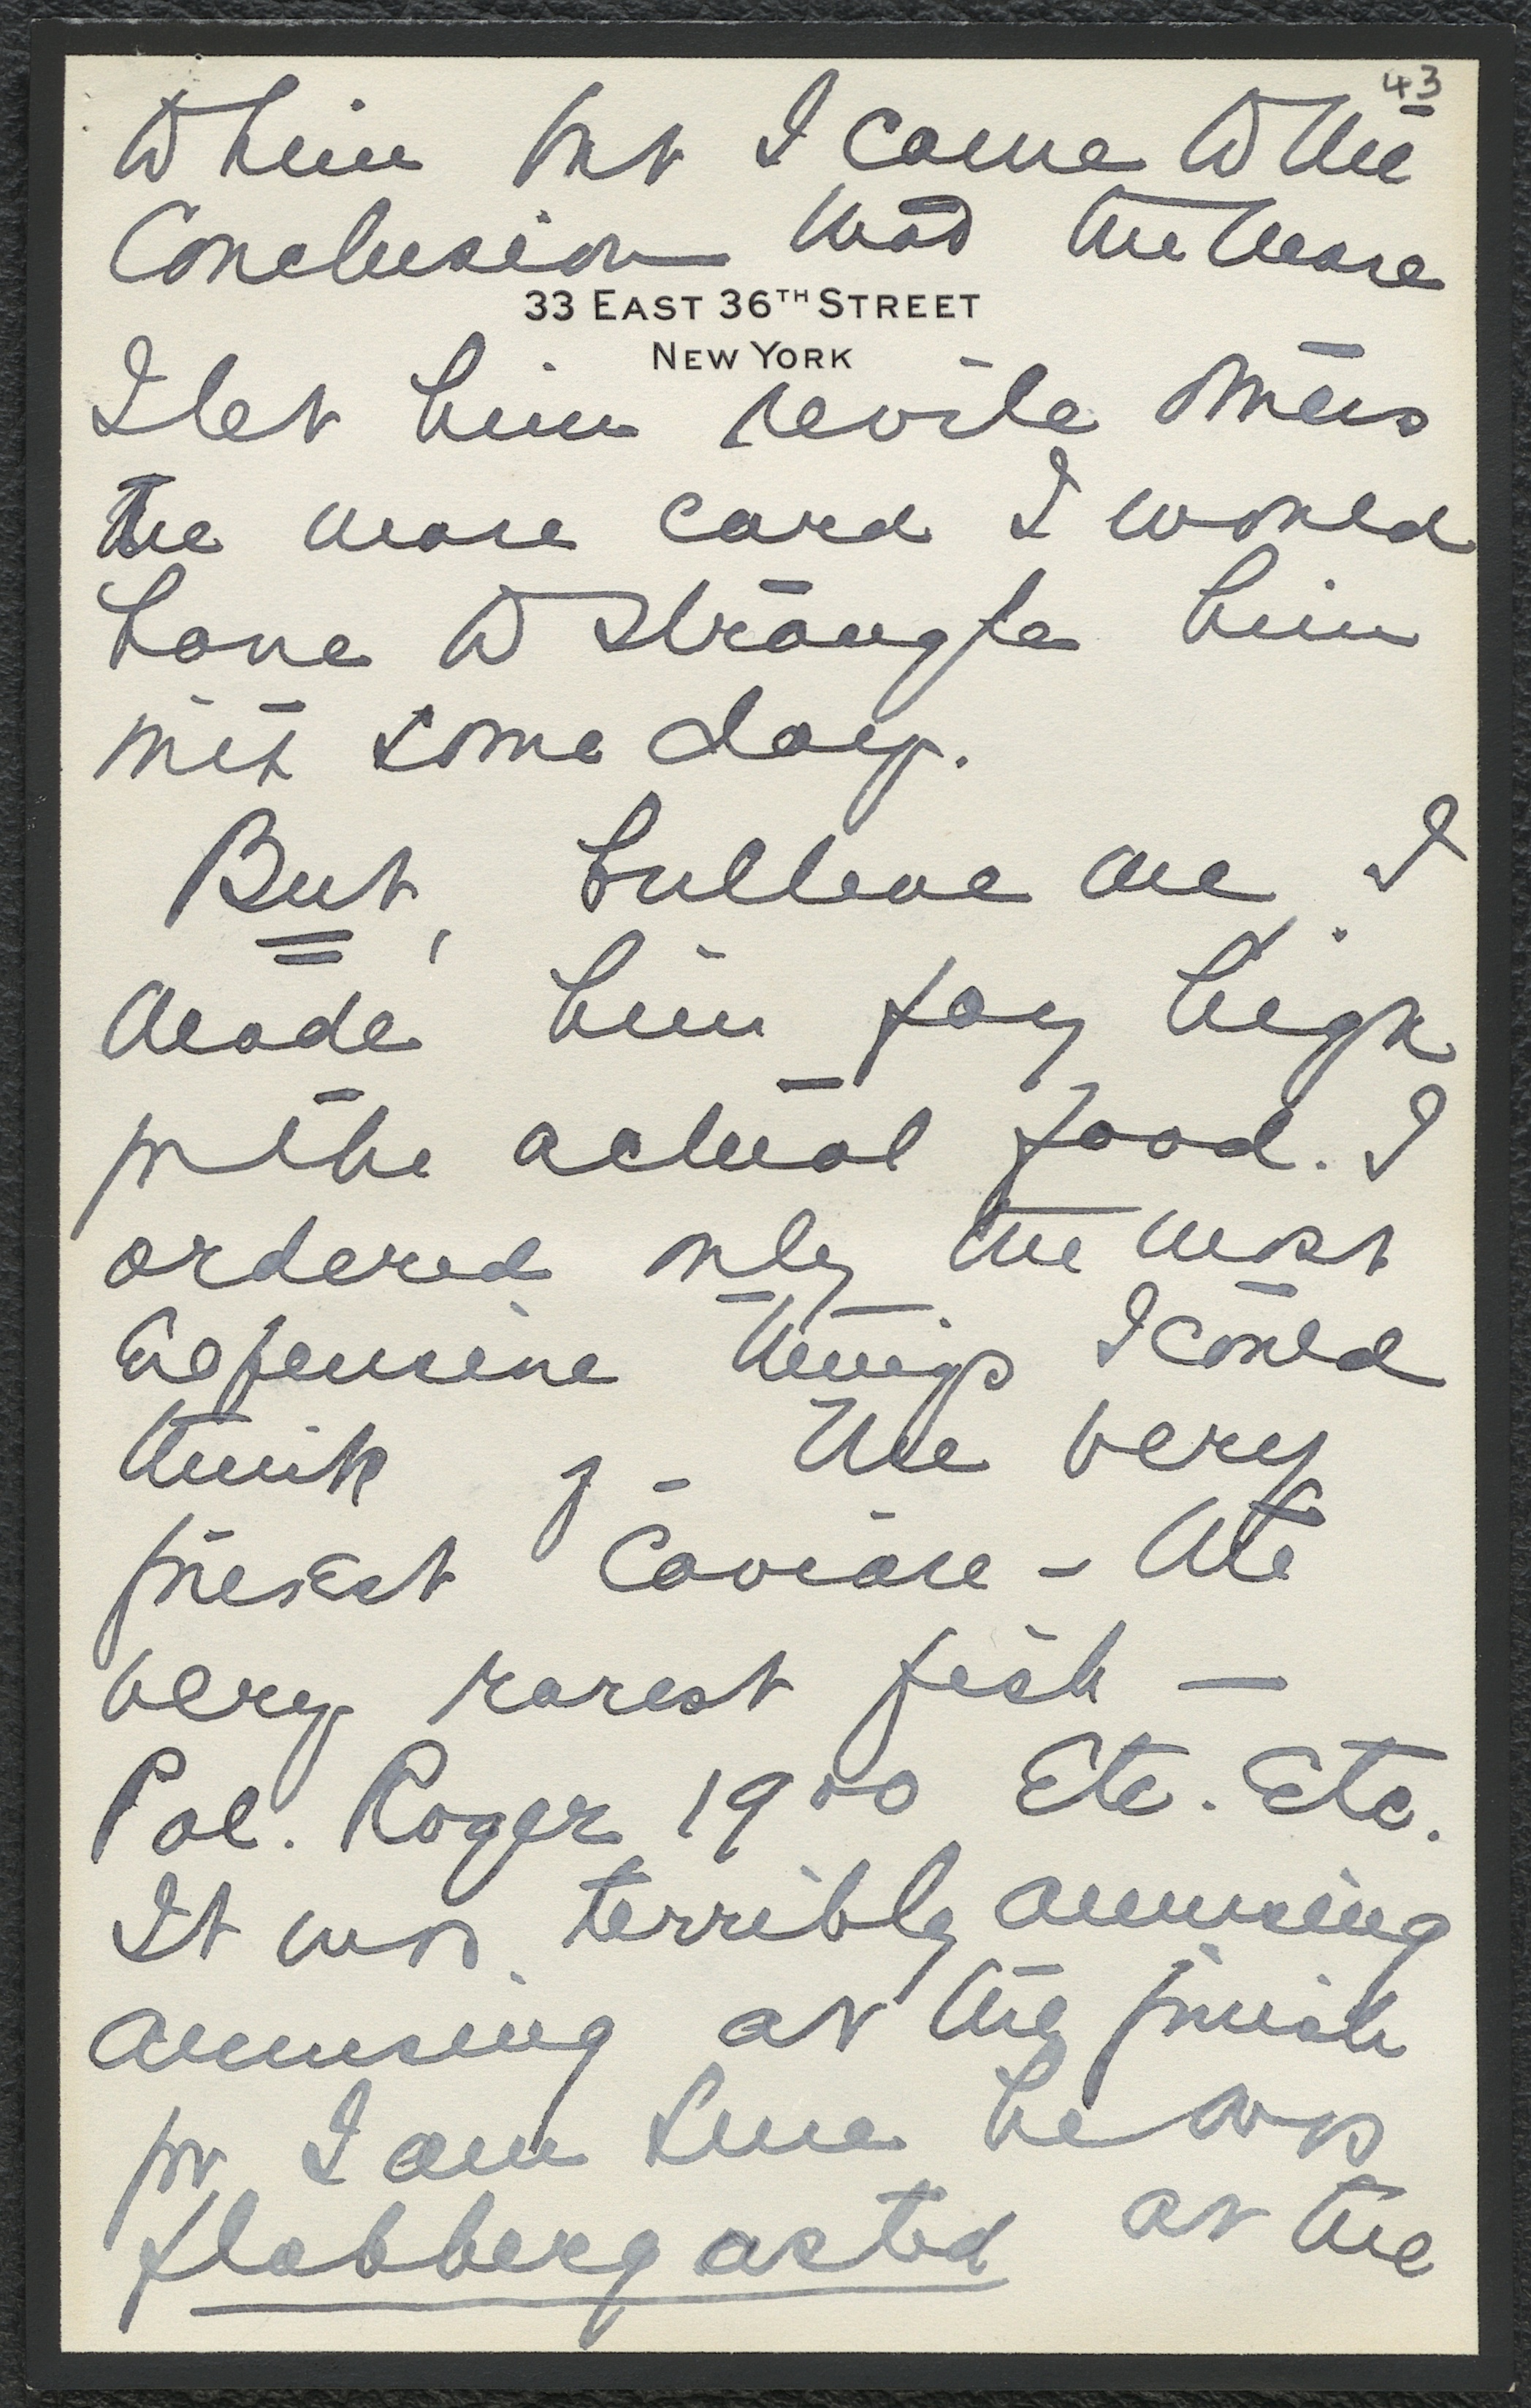to him but I came to the conclusion that the more I let him revile others the more cord I would have to strangle him with some day.
[double underlined: But], bulleve me I made him pay high for the actual food. I ordered only the most expensive things I could think of – the very finest caviare – the very rarest fish – Pol. Roger 1900 etc. etc. It was terribly amusing amusing [sic] at the finish for I am sure he was flabbergasted at the